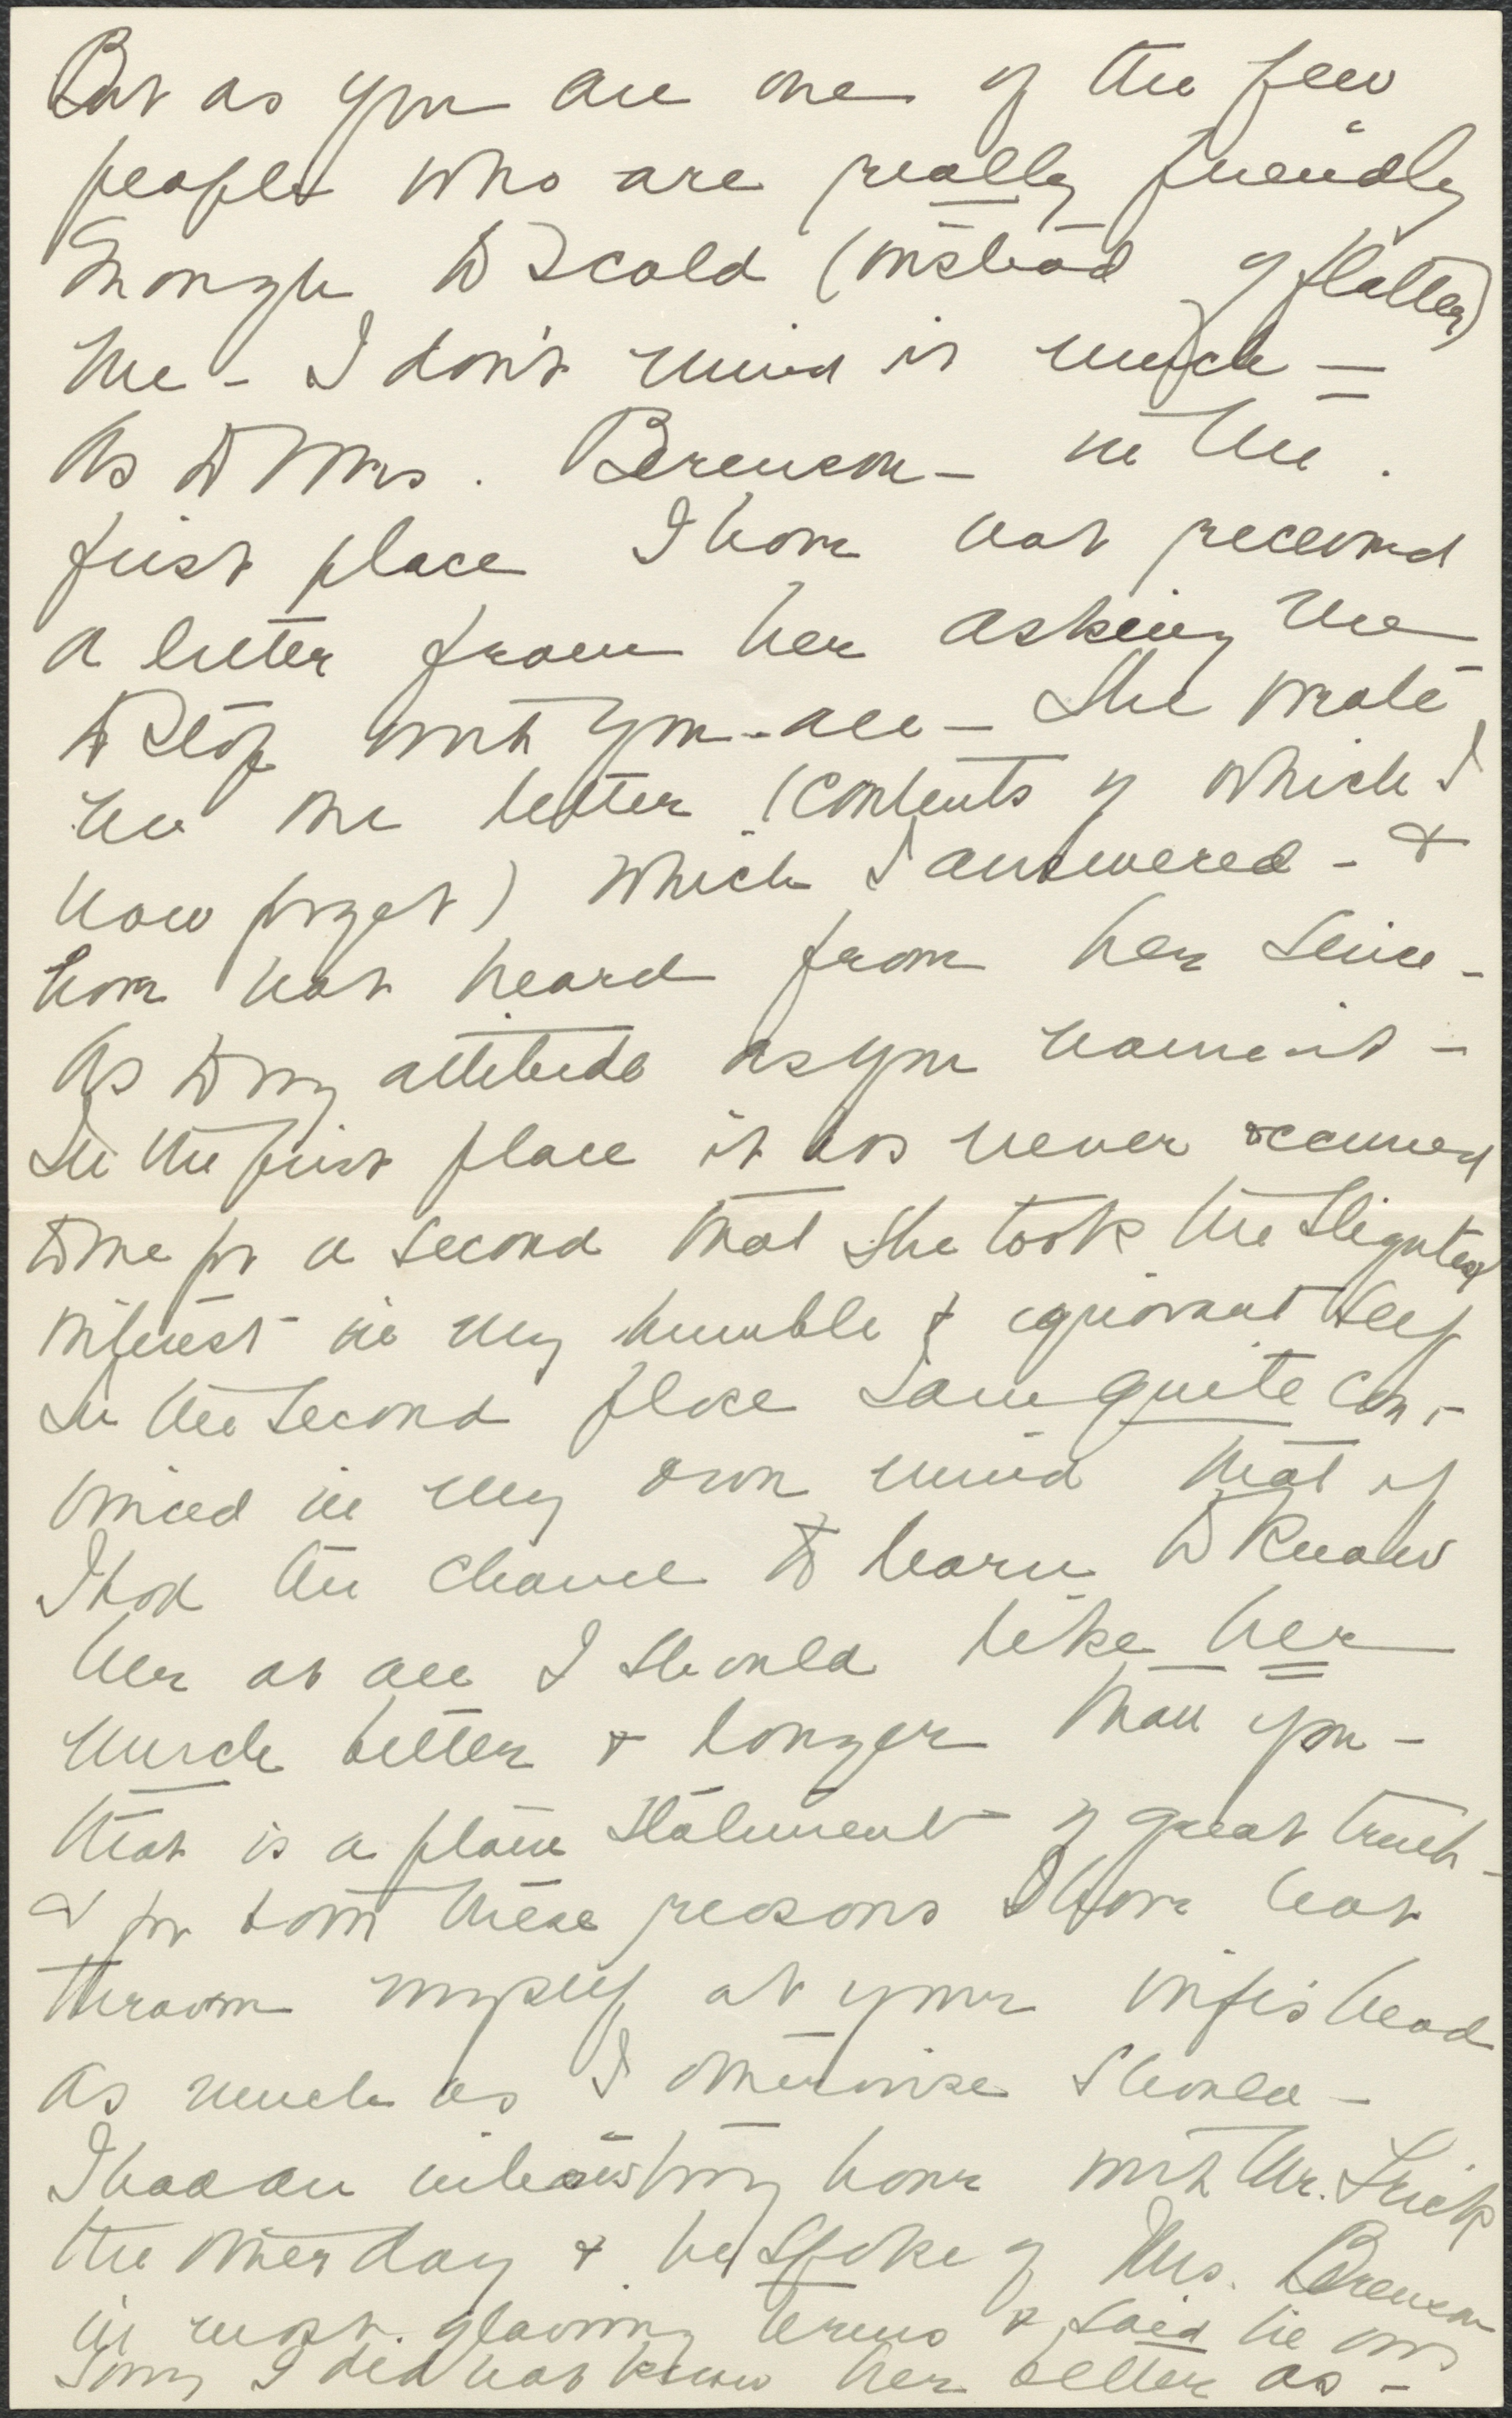But as you are one of the few people who are really friendly enough to scold (instead of flatter) me – I don’t mind it much – As to Mrs. Berenson – in the first place I have not received a letter from her asking me to stop with you-all – she wrote me one letter (contents of which I now forget) which I answered – & have not heard from her since – As to my attitude as you name it – In the first place it has never occurred to me for a second that she took the slightest interest in my humble & ignorant self
In the second place I am quite convinced in my own mind that if I had the chance to learn to know her at all I should like [double underlined: her] much better & longer than you – that is a plain statement of great truth – & for both these reasons I have not thrown myself at your wife’s head as much as I otherwise should – I had an interesting hour with Mr. Frick the other day & he spoke of Mrs. Berenson in most glowing terms & said he was sorry I did not know her better as –